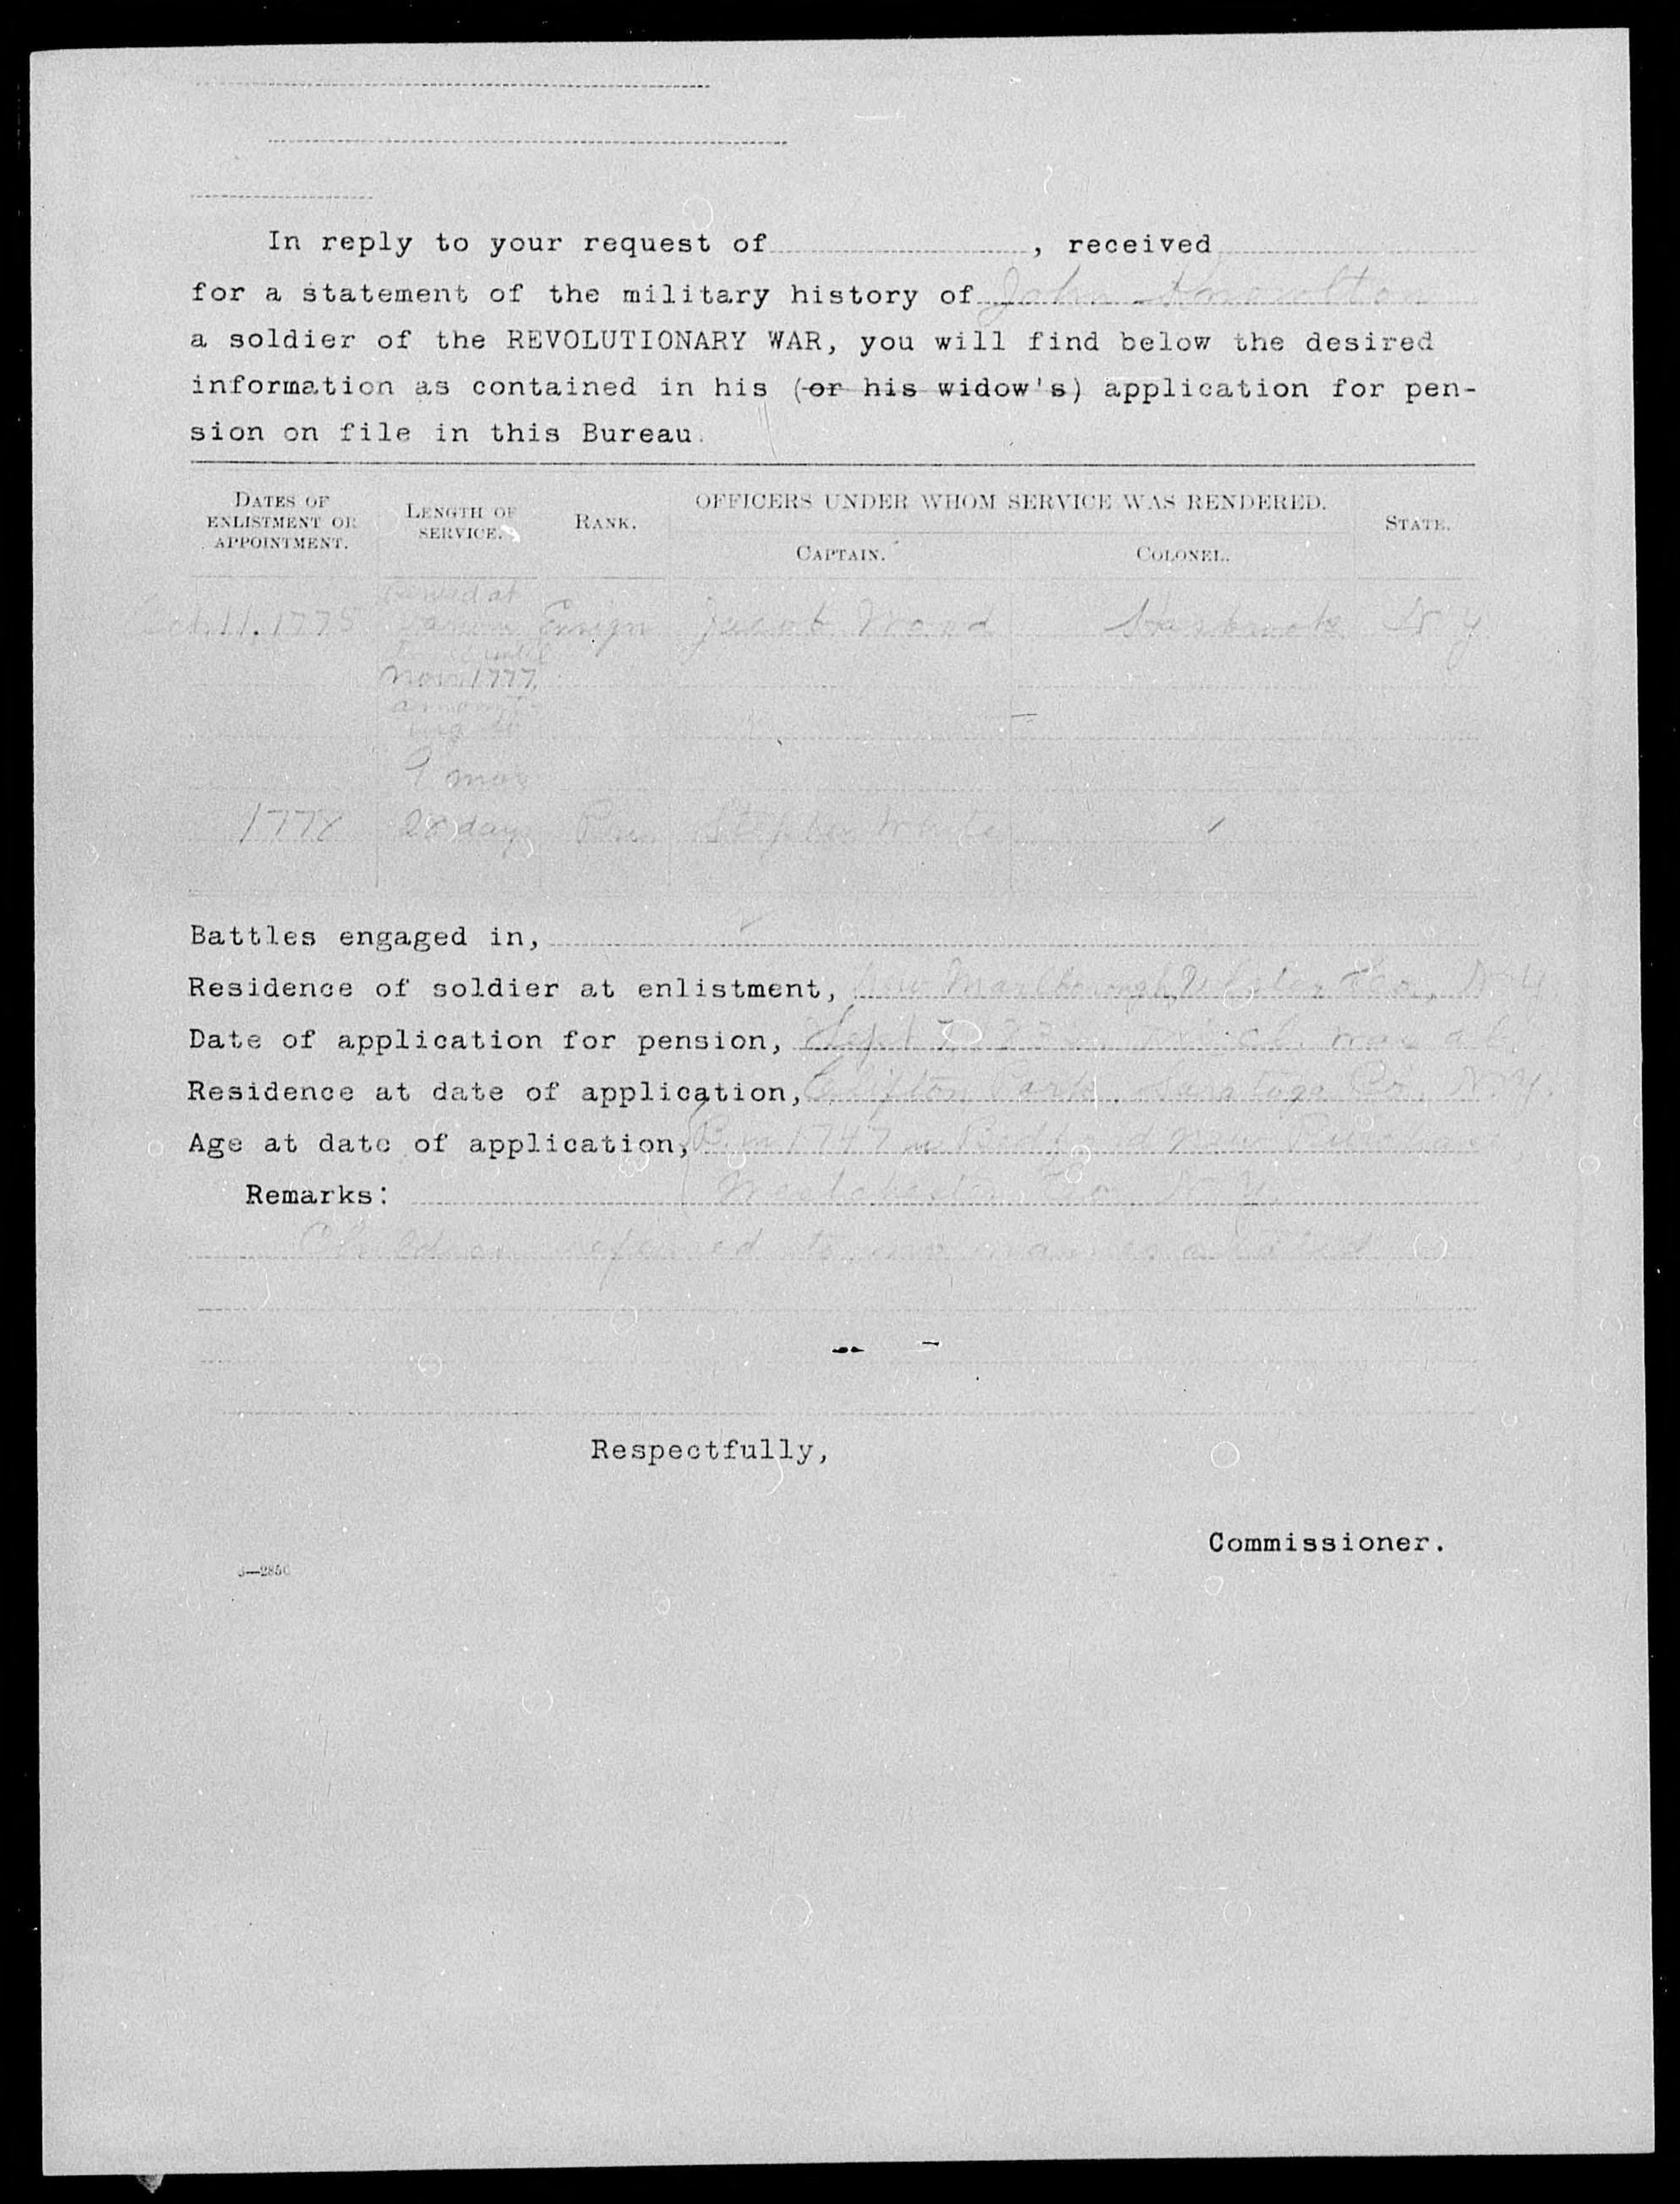[printed form]

In reply to your request of [blank], 
received [blank] for 
a statement of the military history of a
soldier of the REVOLUTIONARY WAR, you will find below the desired
information as contained in his (or his widow's) application for pension
on file in this Bureau.
DATES OF ENLISTMENT OR APPOINTMENT.
Oct. 11, 1775
1778
LENGTH OF SERVICE.
served at [illegible] nov. 1777
[illegible] 9 mos 28 days 
RANK.
Ensign
Priv
OFFICERS UNDER WHOM SERVICE WAS RENDERED.
CAPTAIN.
Jacob Wood
Stephen White
COLONEL.
Hasbrook
STATE.
NY
Battles engaged in, [blank]
Residence of soldier at enlistment, New Marlborough, Ulster Co, NY
Date of application for pension. Sept 7, 183 [illegible]
Residence at date of application, Clifton Park, Saratoga Co., NY
Age at date of application, Born 1747 in Bedford New Purchase
Remarks: Westchester Co, NY
Children [illegible] no names stated
Respectfully,
Commissioner.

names: Jacob Wood; [BLANK] Hasbrook; John Knowlton; Stephen White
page: 22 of 25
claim: survivor's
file: S. 13668, for John Knowlton, New York